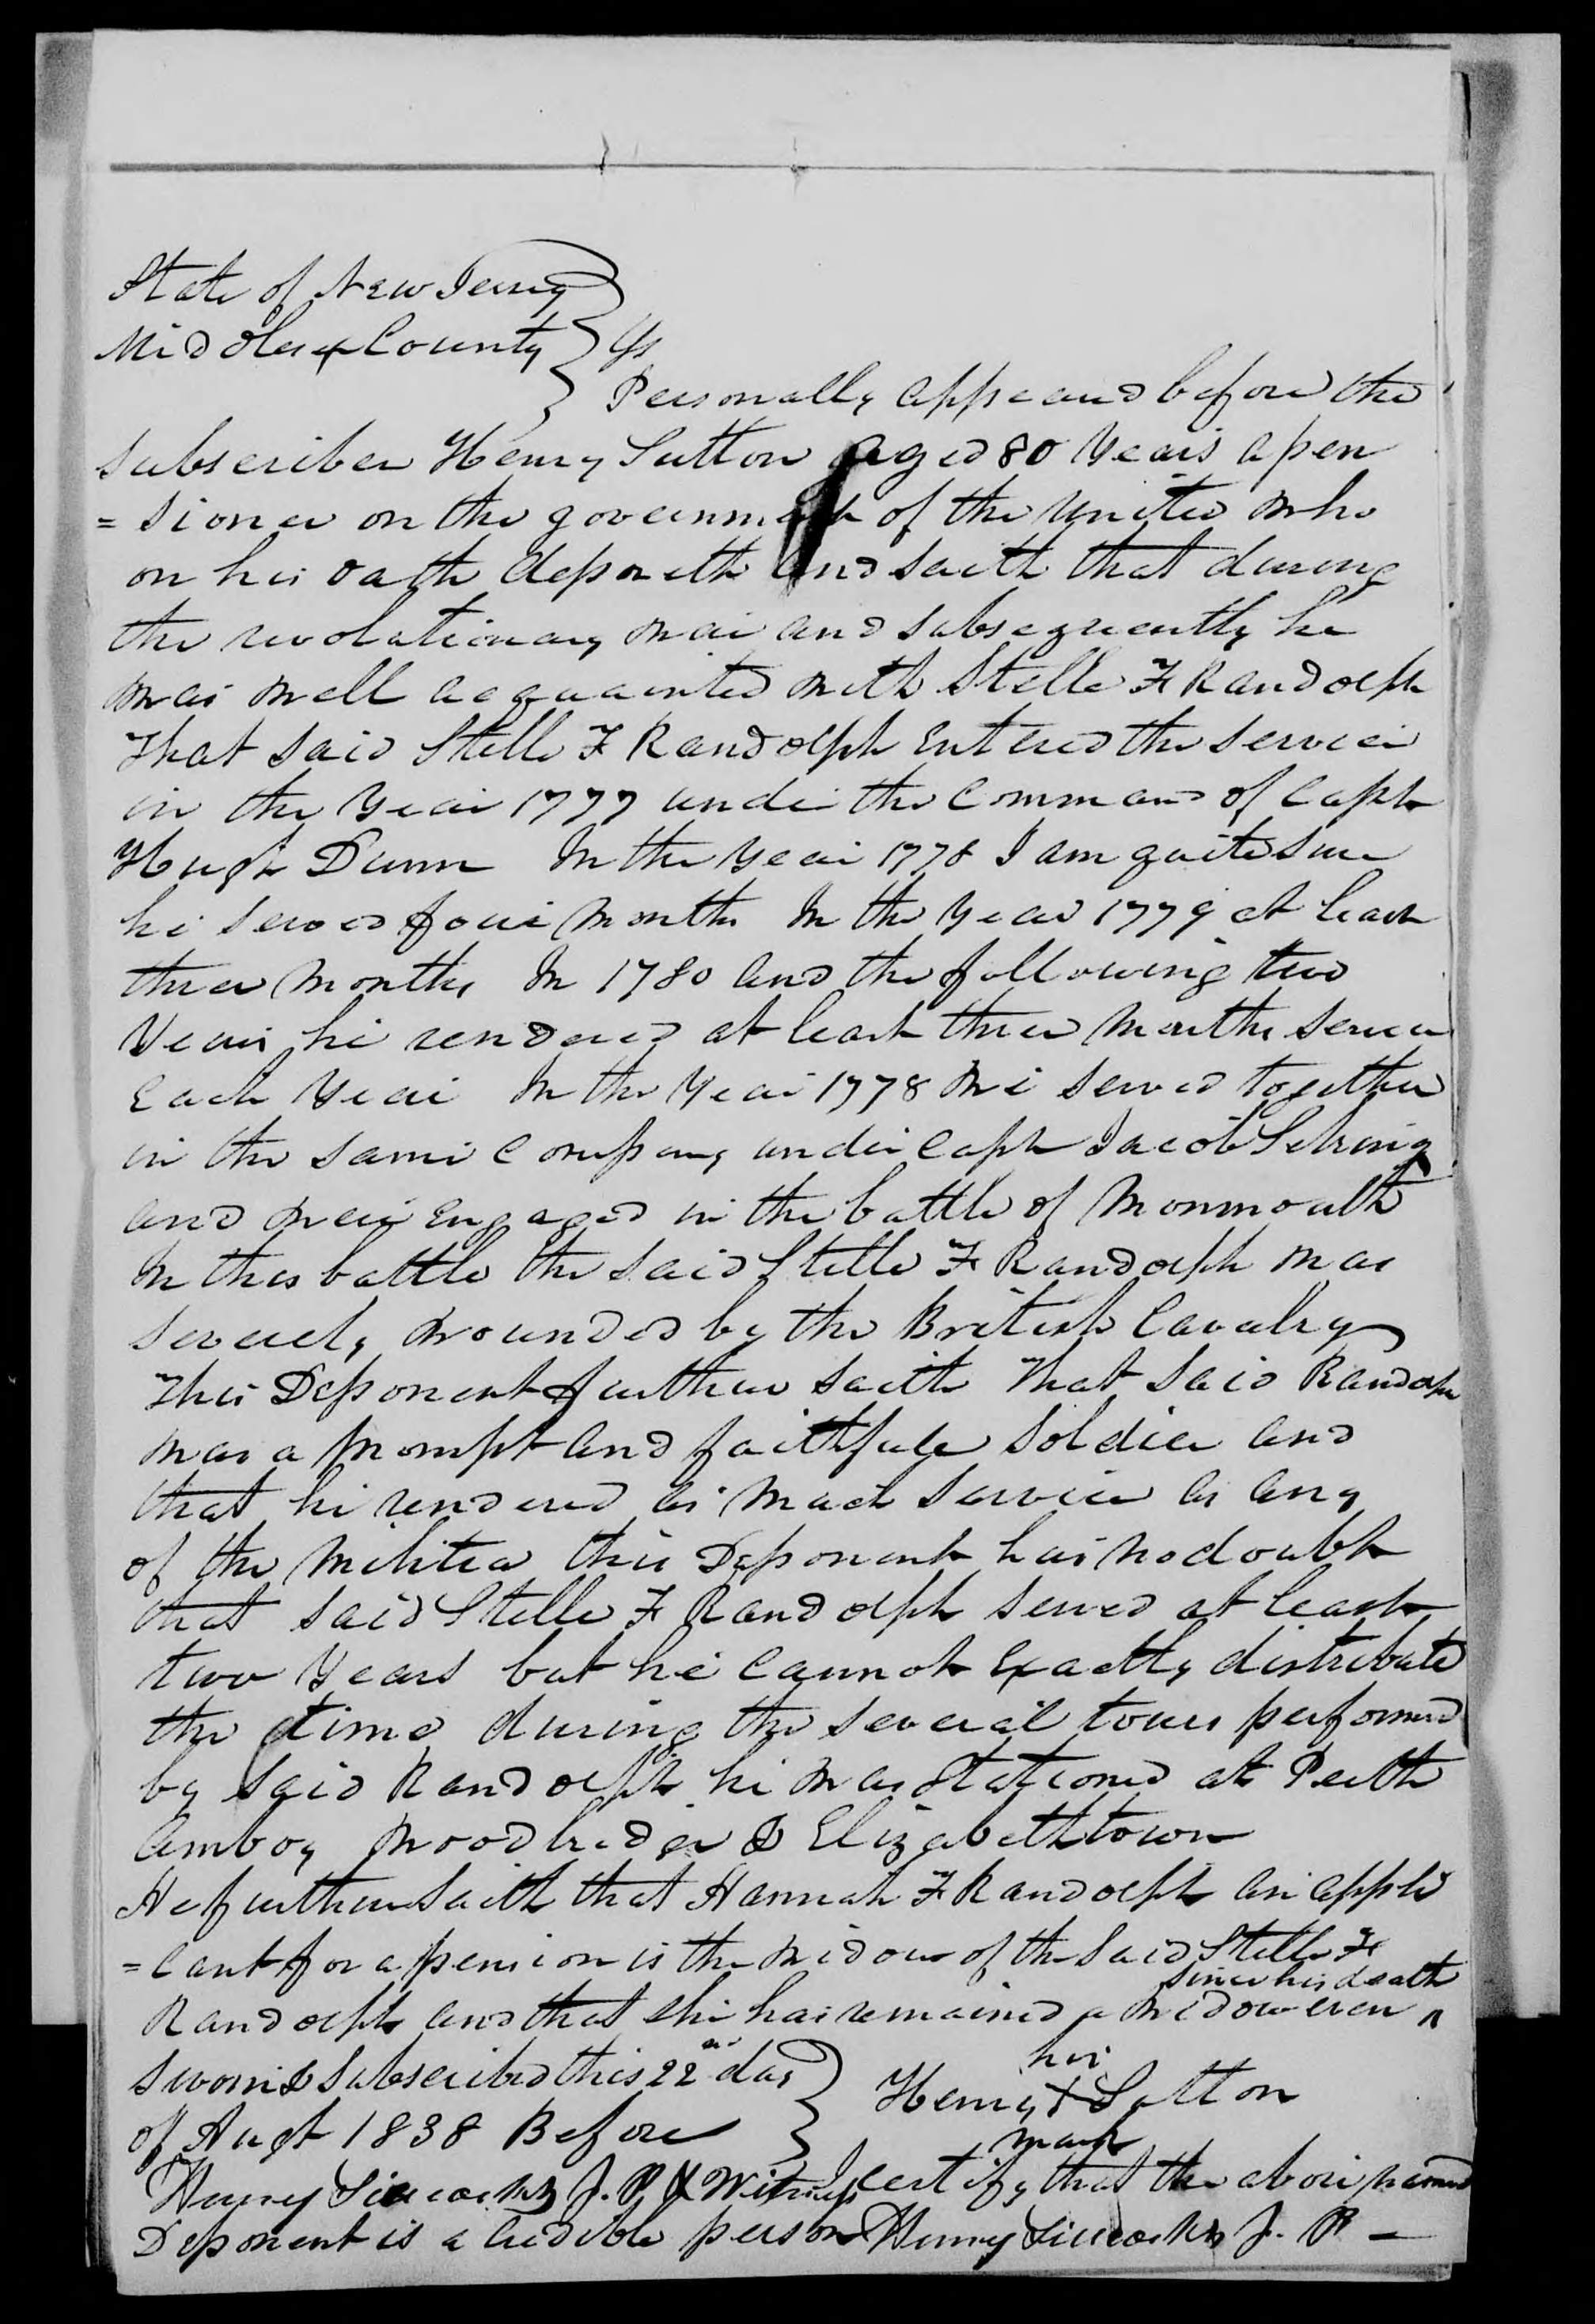State of New JErsey
Middlesex County
fs
Personally appeared before the Subscriber Henry Sutton aged 80 years a pensioner on the government of the United who on her oath deponeth and saith that during the revolutionary war and subsequently he [illegible] well acquainted with Stelle F. Randolph. that said Stelle F. Randolph entered the service in the year 1777 under the Command of Capt Hugh Dunn. In the year 1778 I am quite sure he served four months. In the year 1779 at least three months. In 1780 and the following two years he rendered at leaste three months service each year. In the year 1778 we served together in the same company under Capt Jacob Leking and were engaged in the battle of Monmouth In the battle the said Stelle F Randolph mar [was] severly wounded by the British Cavalry This Deponent further saidth that said Randolph was a prompt and faithful Soldier and that he rendered as much service as any of the militia this deponent has no doubt that said Stelle F Randolph served at least two years but he cannot exactly distribute the time during the several tours performed by said Randolph he may stationed at Perth Amboy Woodleader & Elizabethtown.
He furthersaidth that Hannah F Randolph an applicant for a penion is the widow of the said Stelle F Randolph and that she has remained a widow since his death
Sworn and Subscribed this 22 day of Augt 1838 Before Henry Siueockz J.P Witness
I certify that the above person Deponent is a credible person
Henry Siueockz J. P
Henry Sutton his mark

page: 9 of 33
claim: widow's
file: W. 5,665, for Stelle F Randolph, New Jersey